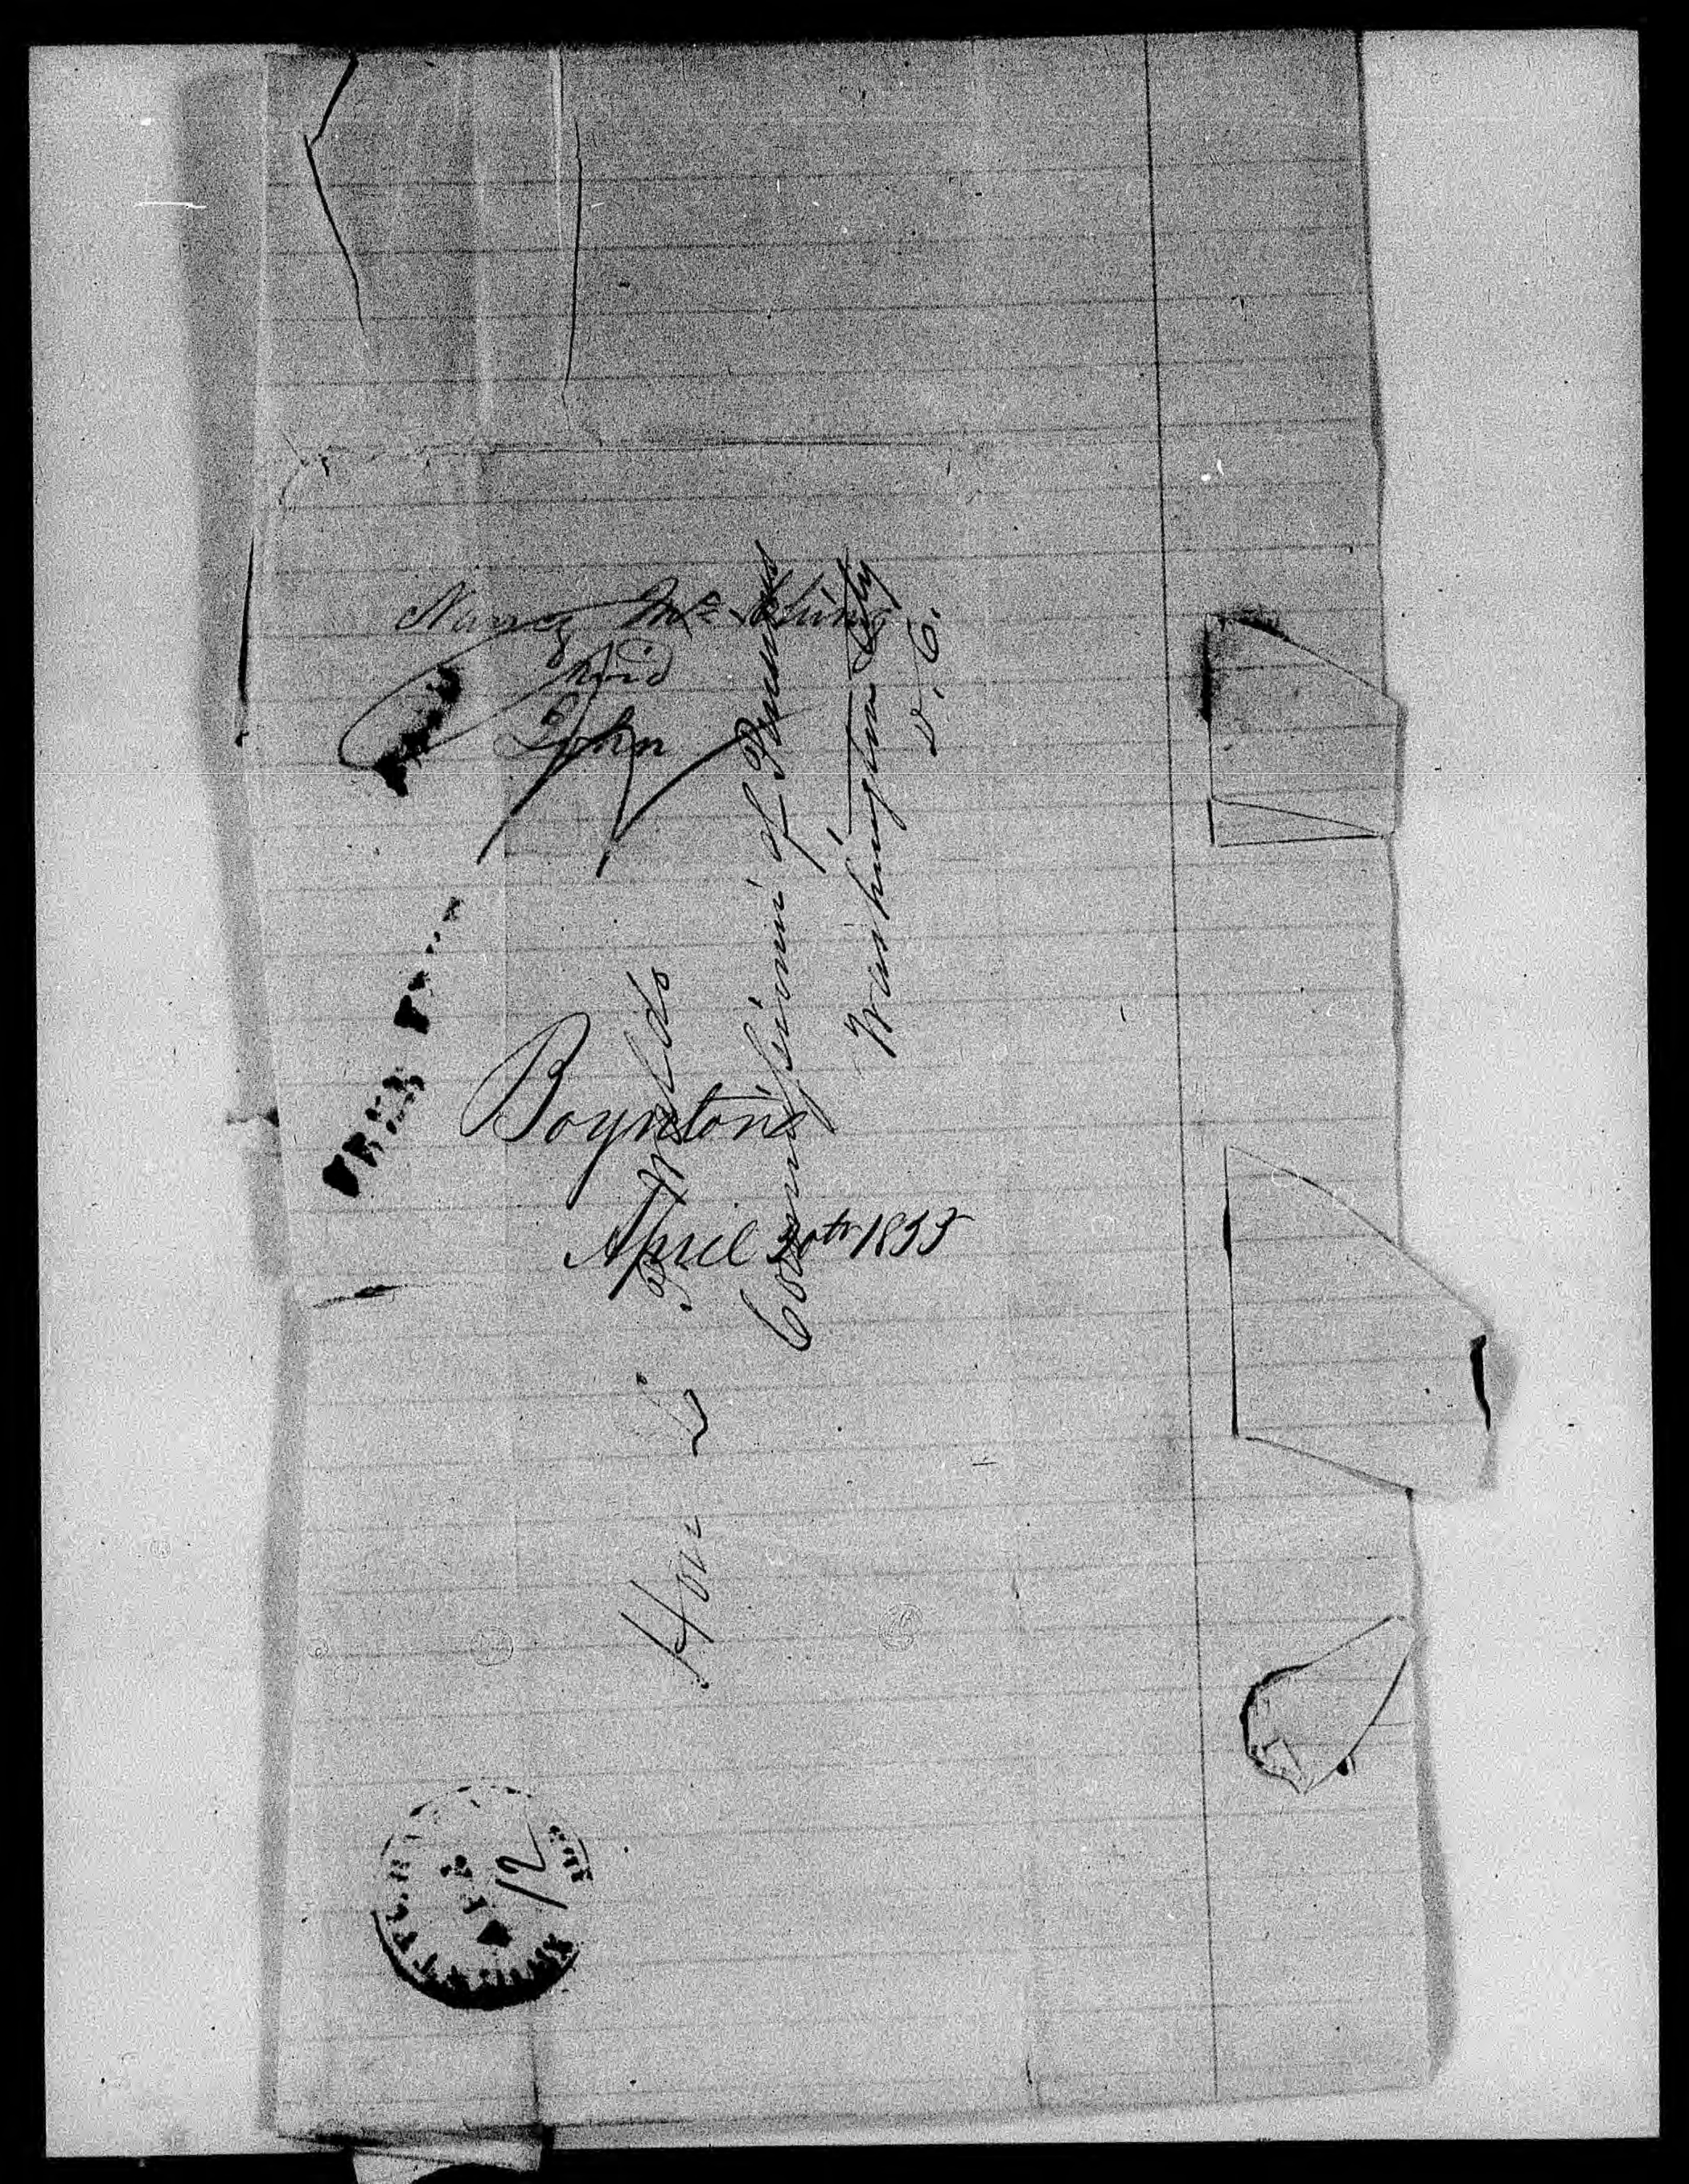Nancy McClung
wid John

Boynton
April 20th 1853

FREE
J.L. Edwards
Commissioner of Pensions
Washington D.C.

[illegible postmark]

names: L P Waldo; John Mc Clung; Nancy Mc Clung; [BLANK] Boynton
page: 109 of 115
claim: widow's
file: W. 1446, for John Mc Clung, South Carolina